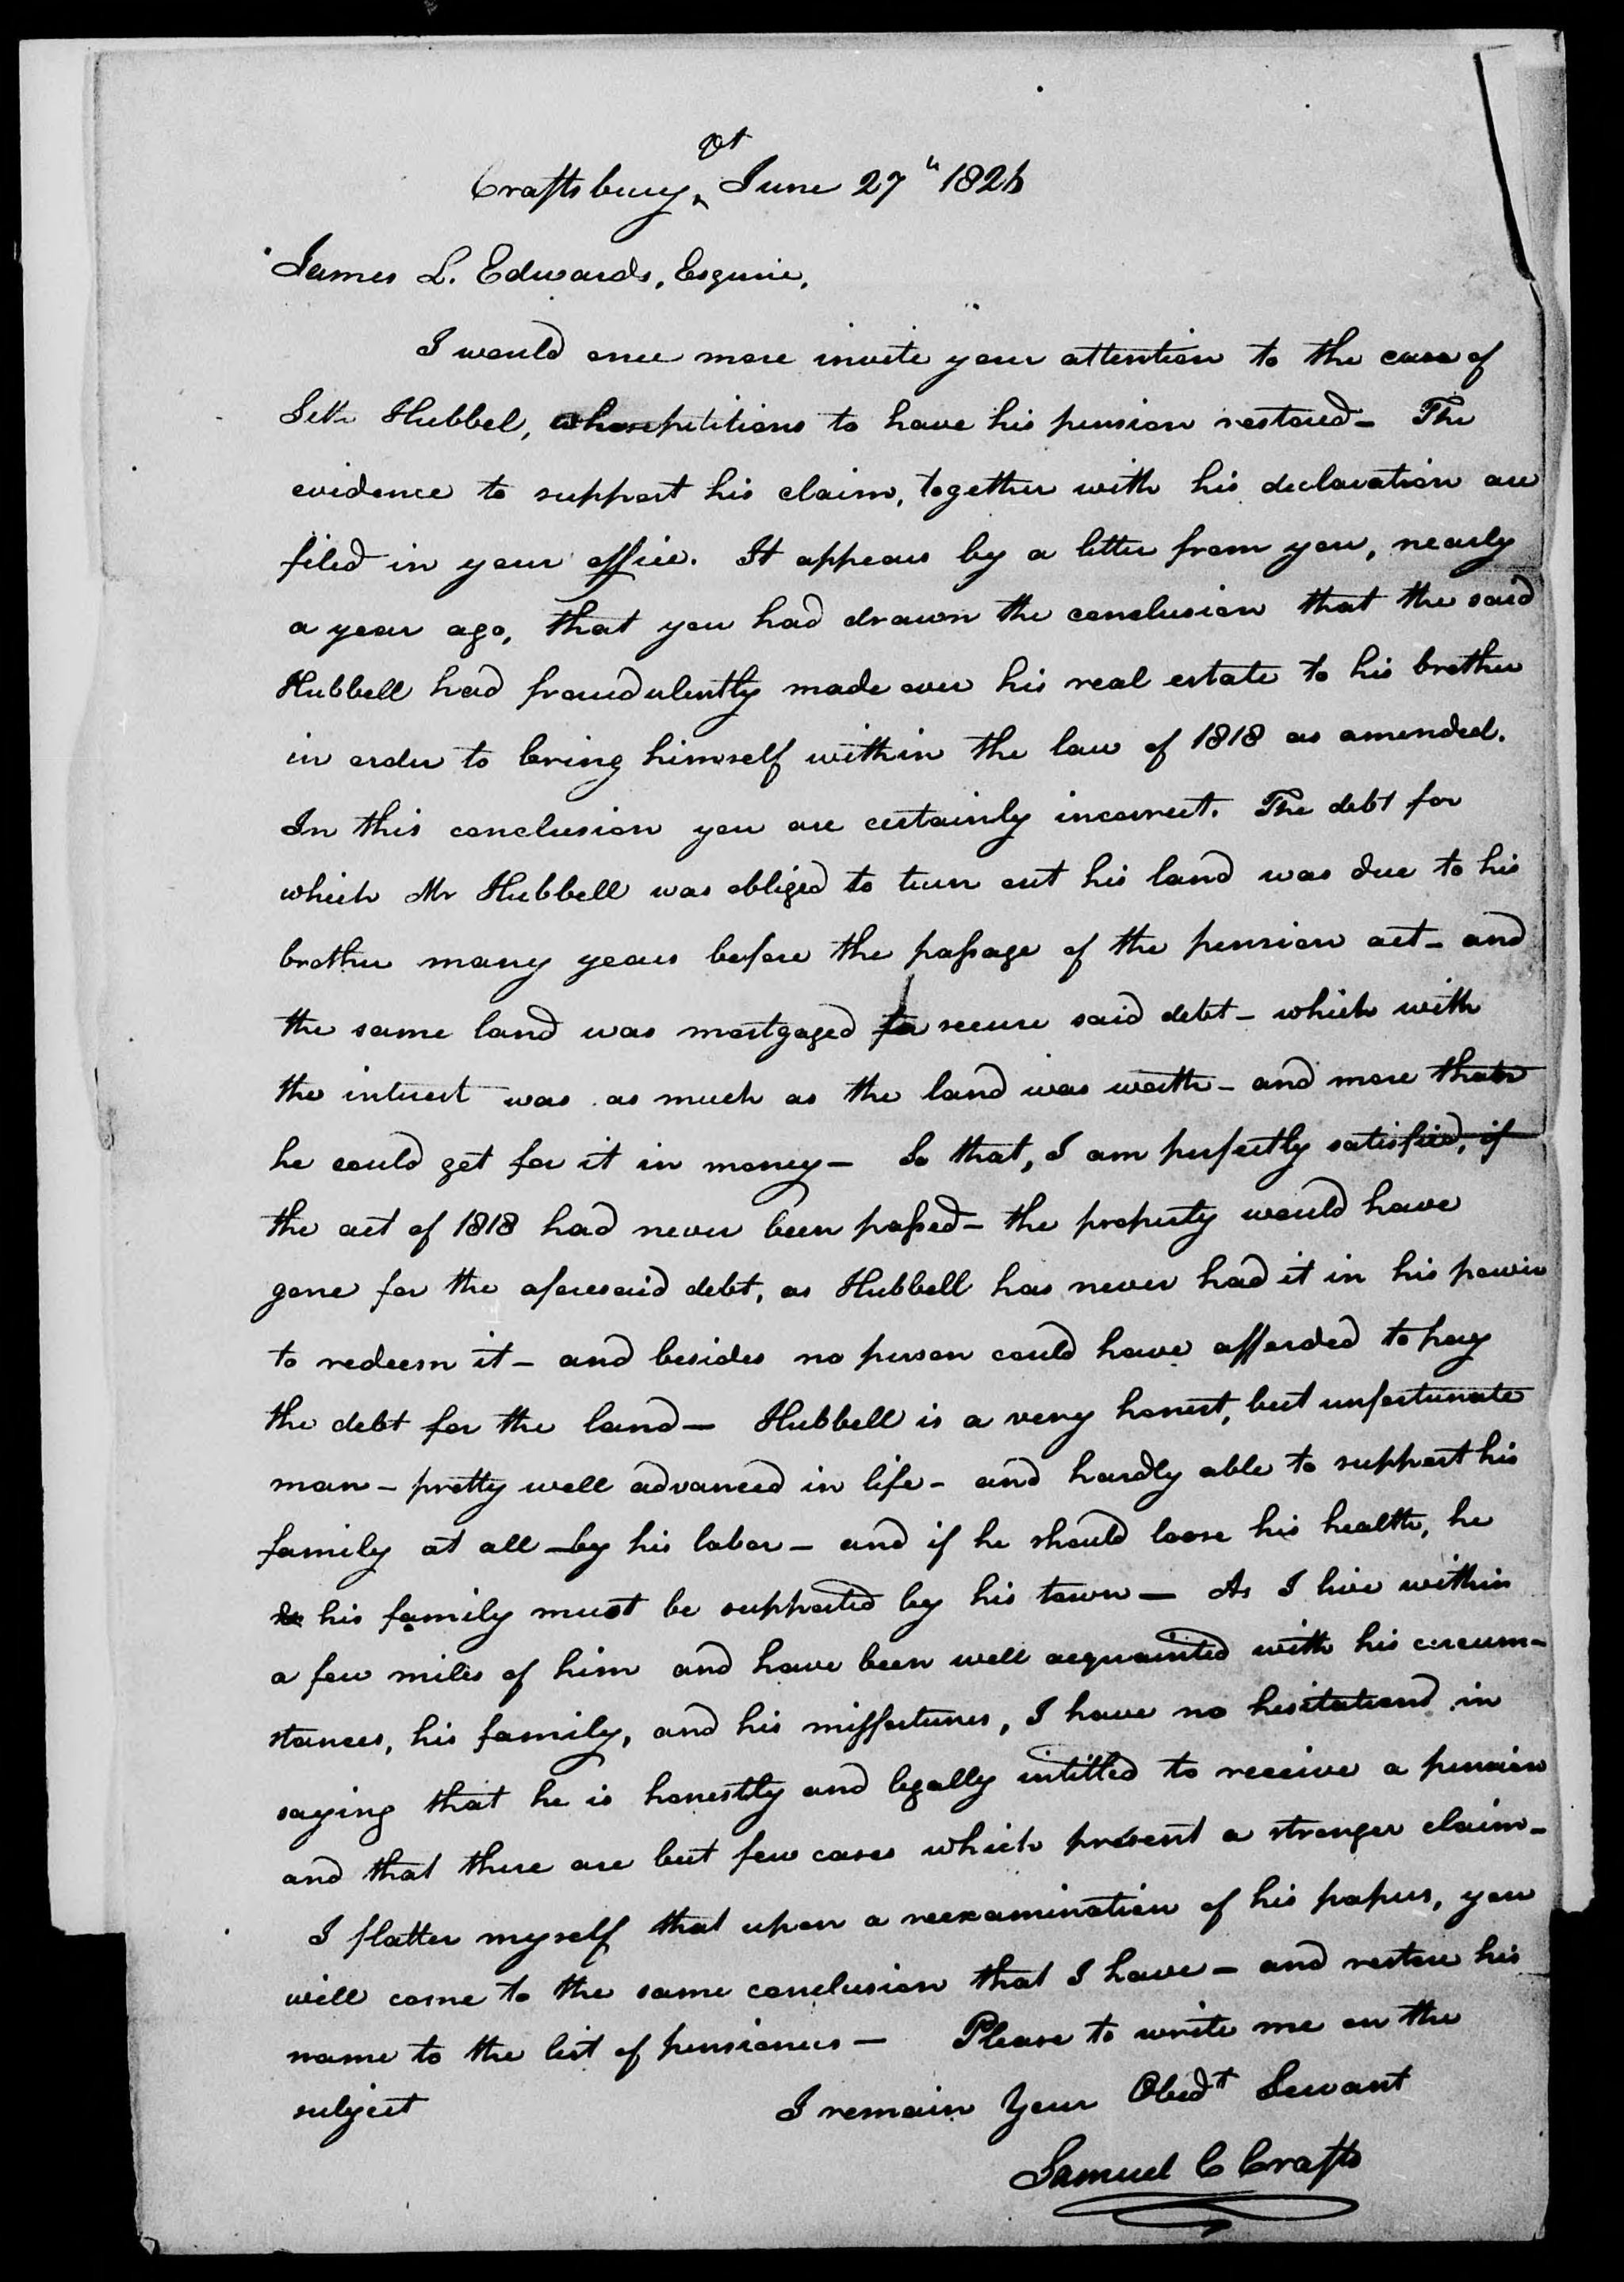Craftsbury, ^Vt June 27 1826
James L. Edwards, Esquire, 
I would once more invite your attention to the case of Seth Hubbell, whose petitions to have his pension restored_ The evidence to support his claim, together with his declaration are filed in your office. It appears by a letter from you, nearly a year ago, that you had drawn the conclusion that the said Hubbell had fraudulently made over his real estate to his brother in order to bring himself within the law of 1818 as amended. In this conclusion you are certainly incorrect. The debt for which Mr. Hubbell was obliged to turn out his land was due top his brother many years before the passage of the pension act _ and the same land was mortgaged to secure said debt_ which with the interest was as much as the land was worth_ and more than he could get for it in money_ So that, I am perfectly satisfied, if the act of 1818 had never been passed_ the property would have gone for the aforesaid debt, as Hubbell has never had it in his power to redeem it_ and besides no person could have afforded to pay the debt for the land_ Hubbell is a very honest, but unfortunate man- pretty well advanced in life - and hardly able to support his family at all by his labor_ and if he should loose his health, he & his family must be supported by his town _ As I live within a few miles of him and have been well acquainted with his circumstances, his family, and his misfortunes, I have no hesitation in saying that he is honestly and legally entitled to receive a pension and that there are but few cases which present a stronger claim_
I flatter myself that upon a reexamination of his papers, you will come to the same conclusion that I have - and restore his name to the list of pensioners - Please to write me on the subject
I remain your [illegible] servant
Samuel C Crafts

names: James L Edwards, Seth Hubbel, Samuel C Crafts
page: 83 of 114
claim: widow's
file: W. 2115, Seth Hubbell, Conn.